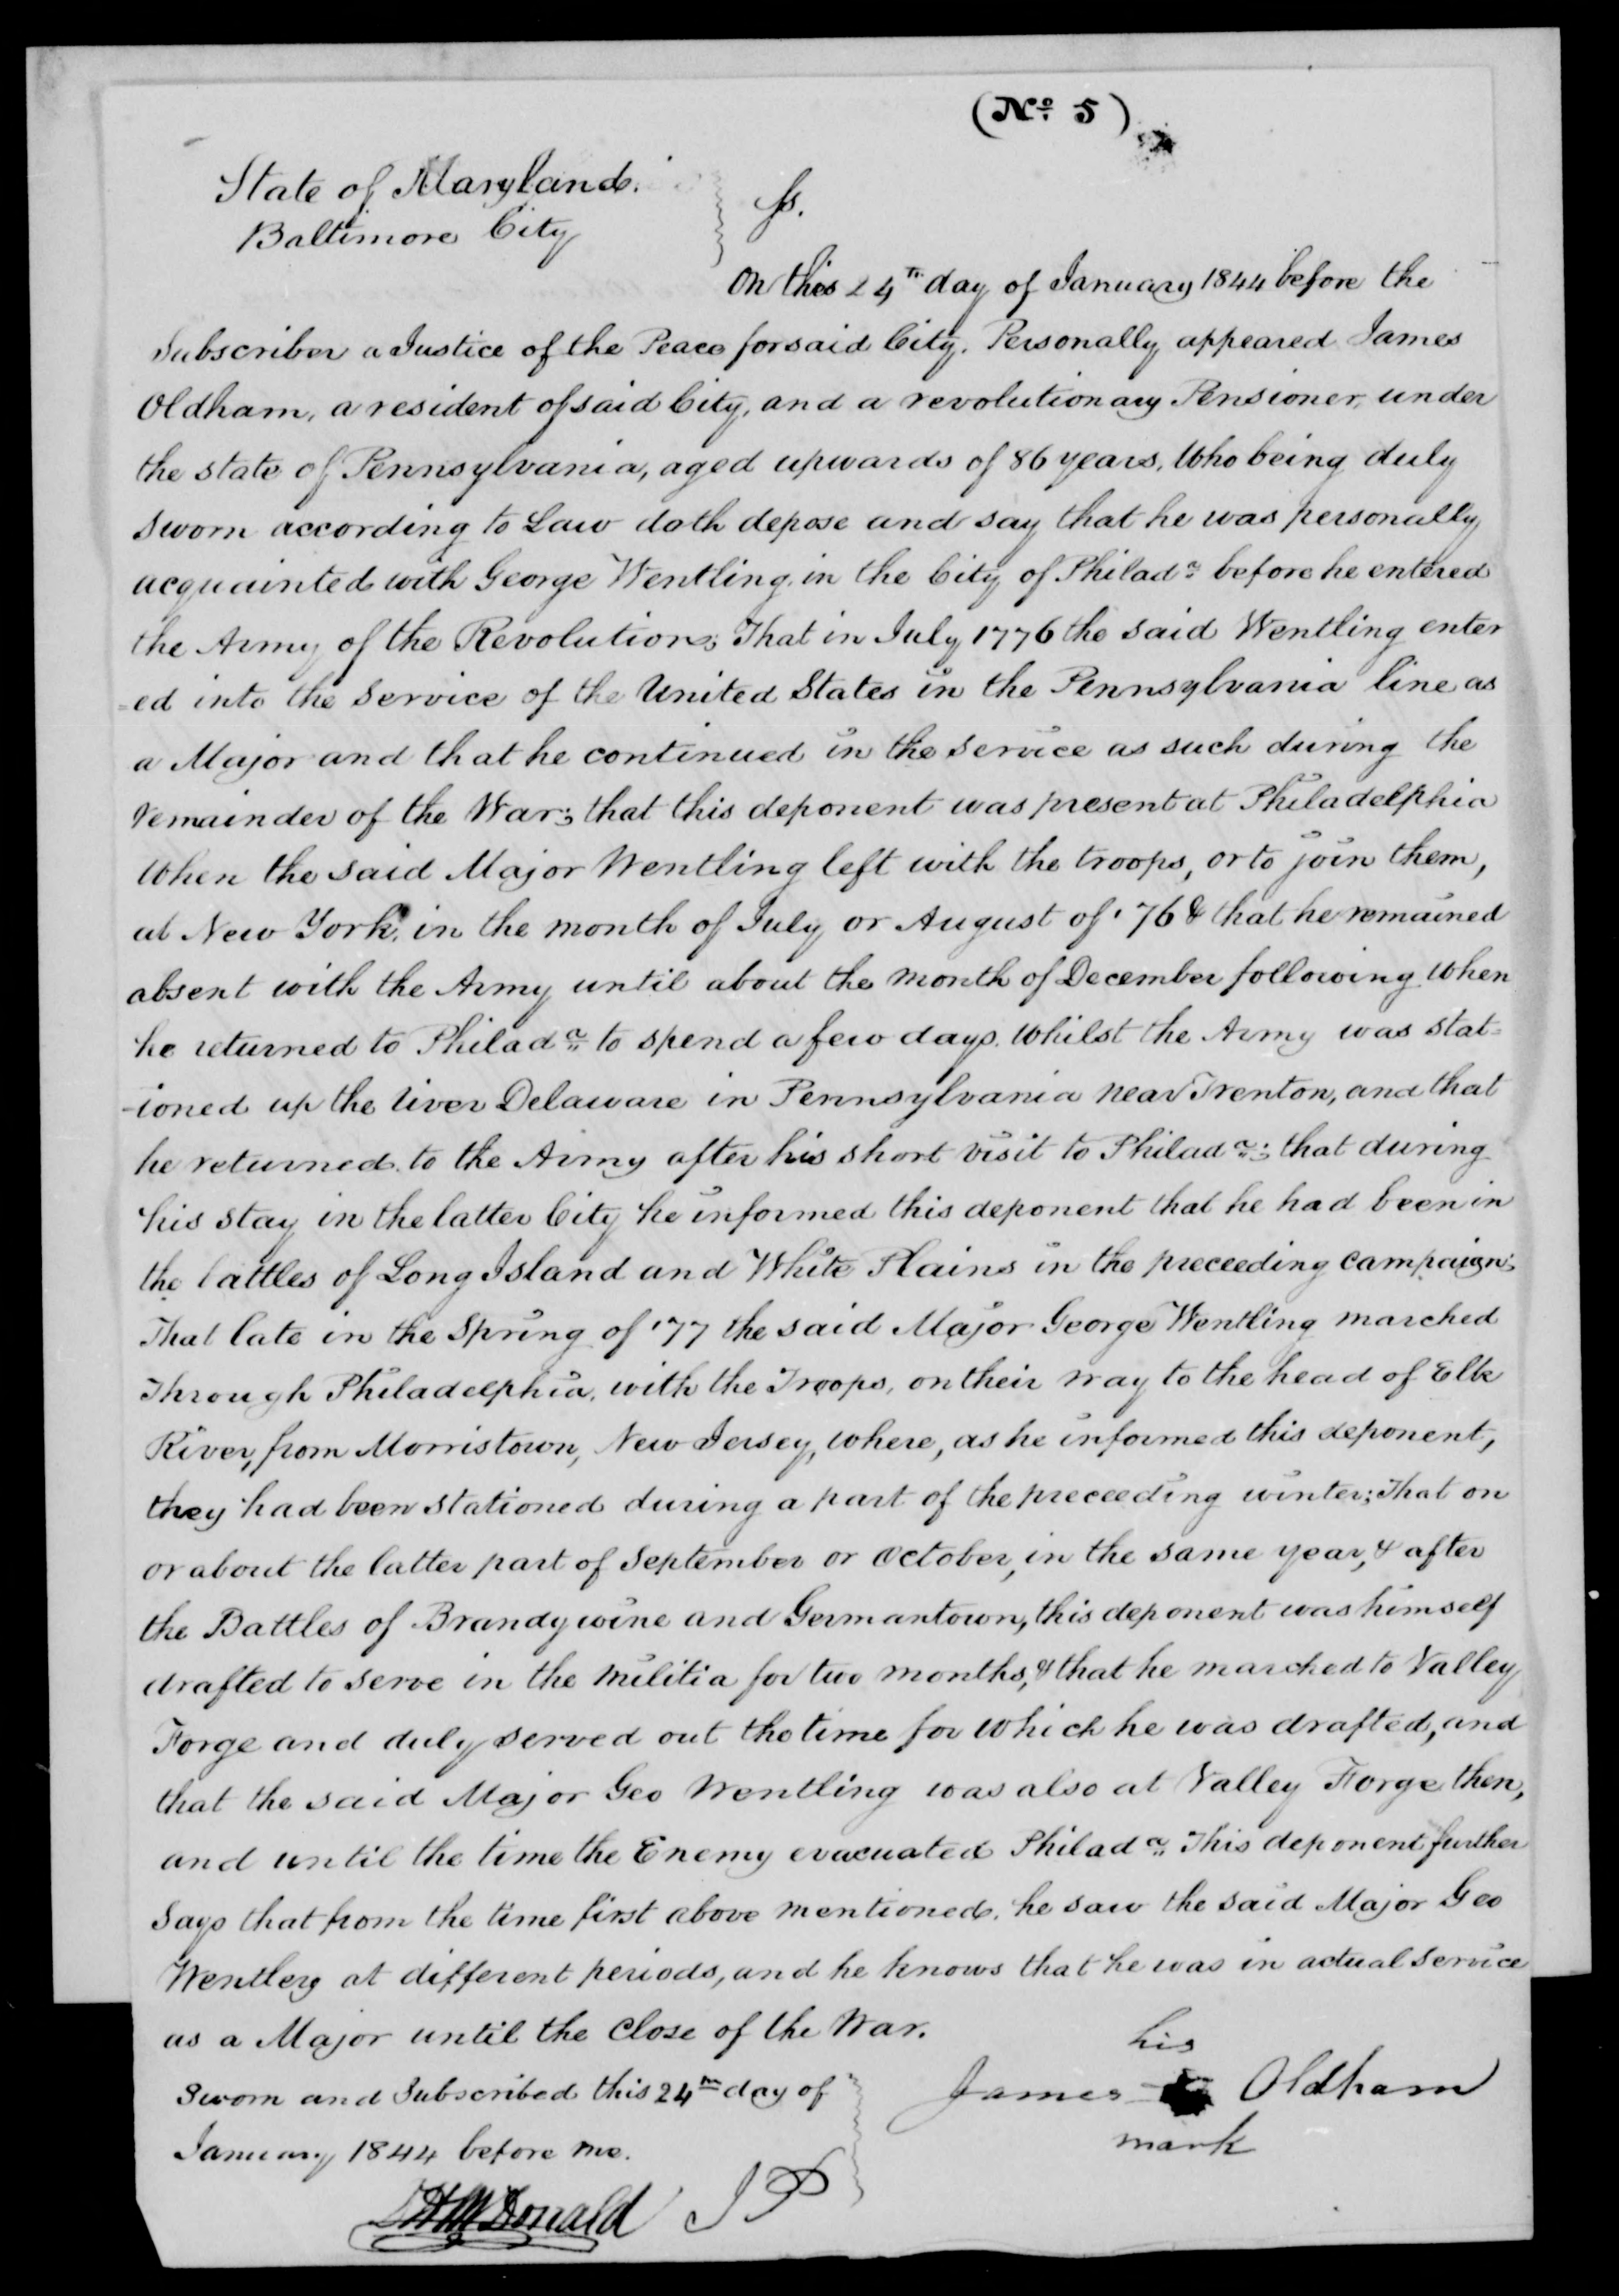(No 5)
State of Maryland Baltimore City ss
On this 24th day of January 1844 before the Subscriber a Justice of the Peace for said City, Personally appeared James
Oldham, a resident of said City, and a revolutionary Pensioner, under the State of Pennsylvania, aged upwards of 86 years, who being duly sworn according to Law doth depose and say that he was personally acquainted with George Wentling in the City of Philad’a before he entered the Army of the Revolution; That in July 1776 the said Wentling entered into the service of the United States in the Pennsylvania line as a Major and that he continued in the service as such during the remainder of the War; that this deponent was present at Philadelphia
when the said Major Wentling left with the troops, or to join them, at New York, in the month of July or August of '76 & that he remained absent with the Army until about the month of December following when he returned to Philad’a to spend a few days, whilst the Army was stationed up the river Delaware in Pennsylvania near Trenton, and that he returned to the Army after his short visit to Philad’a; that during his stay in the latter City he informed this deponent that he had been in the battles of Long Island and White Plains in the preceeding campaign.
That late in the Spring of 1777 the said Major George Wentling marched through Philadelphia, with the Troops, on their way to the head of Elk River, from Morristown, New Jersey, where, as he informed this deponent, they had been stationed during a part of the preceeding winter; That on or about the latter part of September or October, in the same year, & after
the Battles of Brandywine and Germantown, this deponent was himself drafted to serve in the militia for two months, & that he marched to Valley Forge and duly served out the time for which he was drafted, and that the said Major Geo Wentling was also at Valley Forge then,  and until the time the enemy evacuated Philad’a. This deponent further says that from the time first above mentioned, he saw the said Major Geo Wentley at different periods, and he knows that he was in actual service as a Major until the close of the War
James Oldham his mark
Sworn and Subscribed this 24th day of
January 1844 before me
D H McDonald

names: James Oldham, D H Mc Donald, George Wentling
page: 56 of 68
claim: survivor's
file: S. 6,358, George Wentling, Penn.